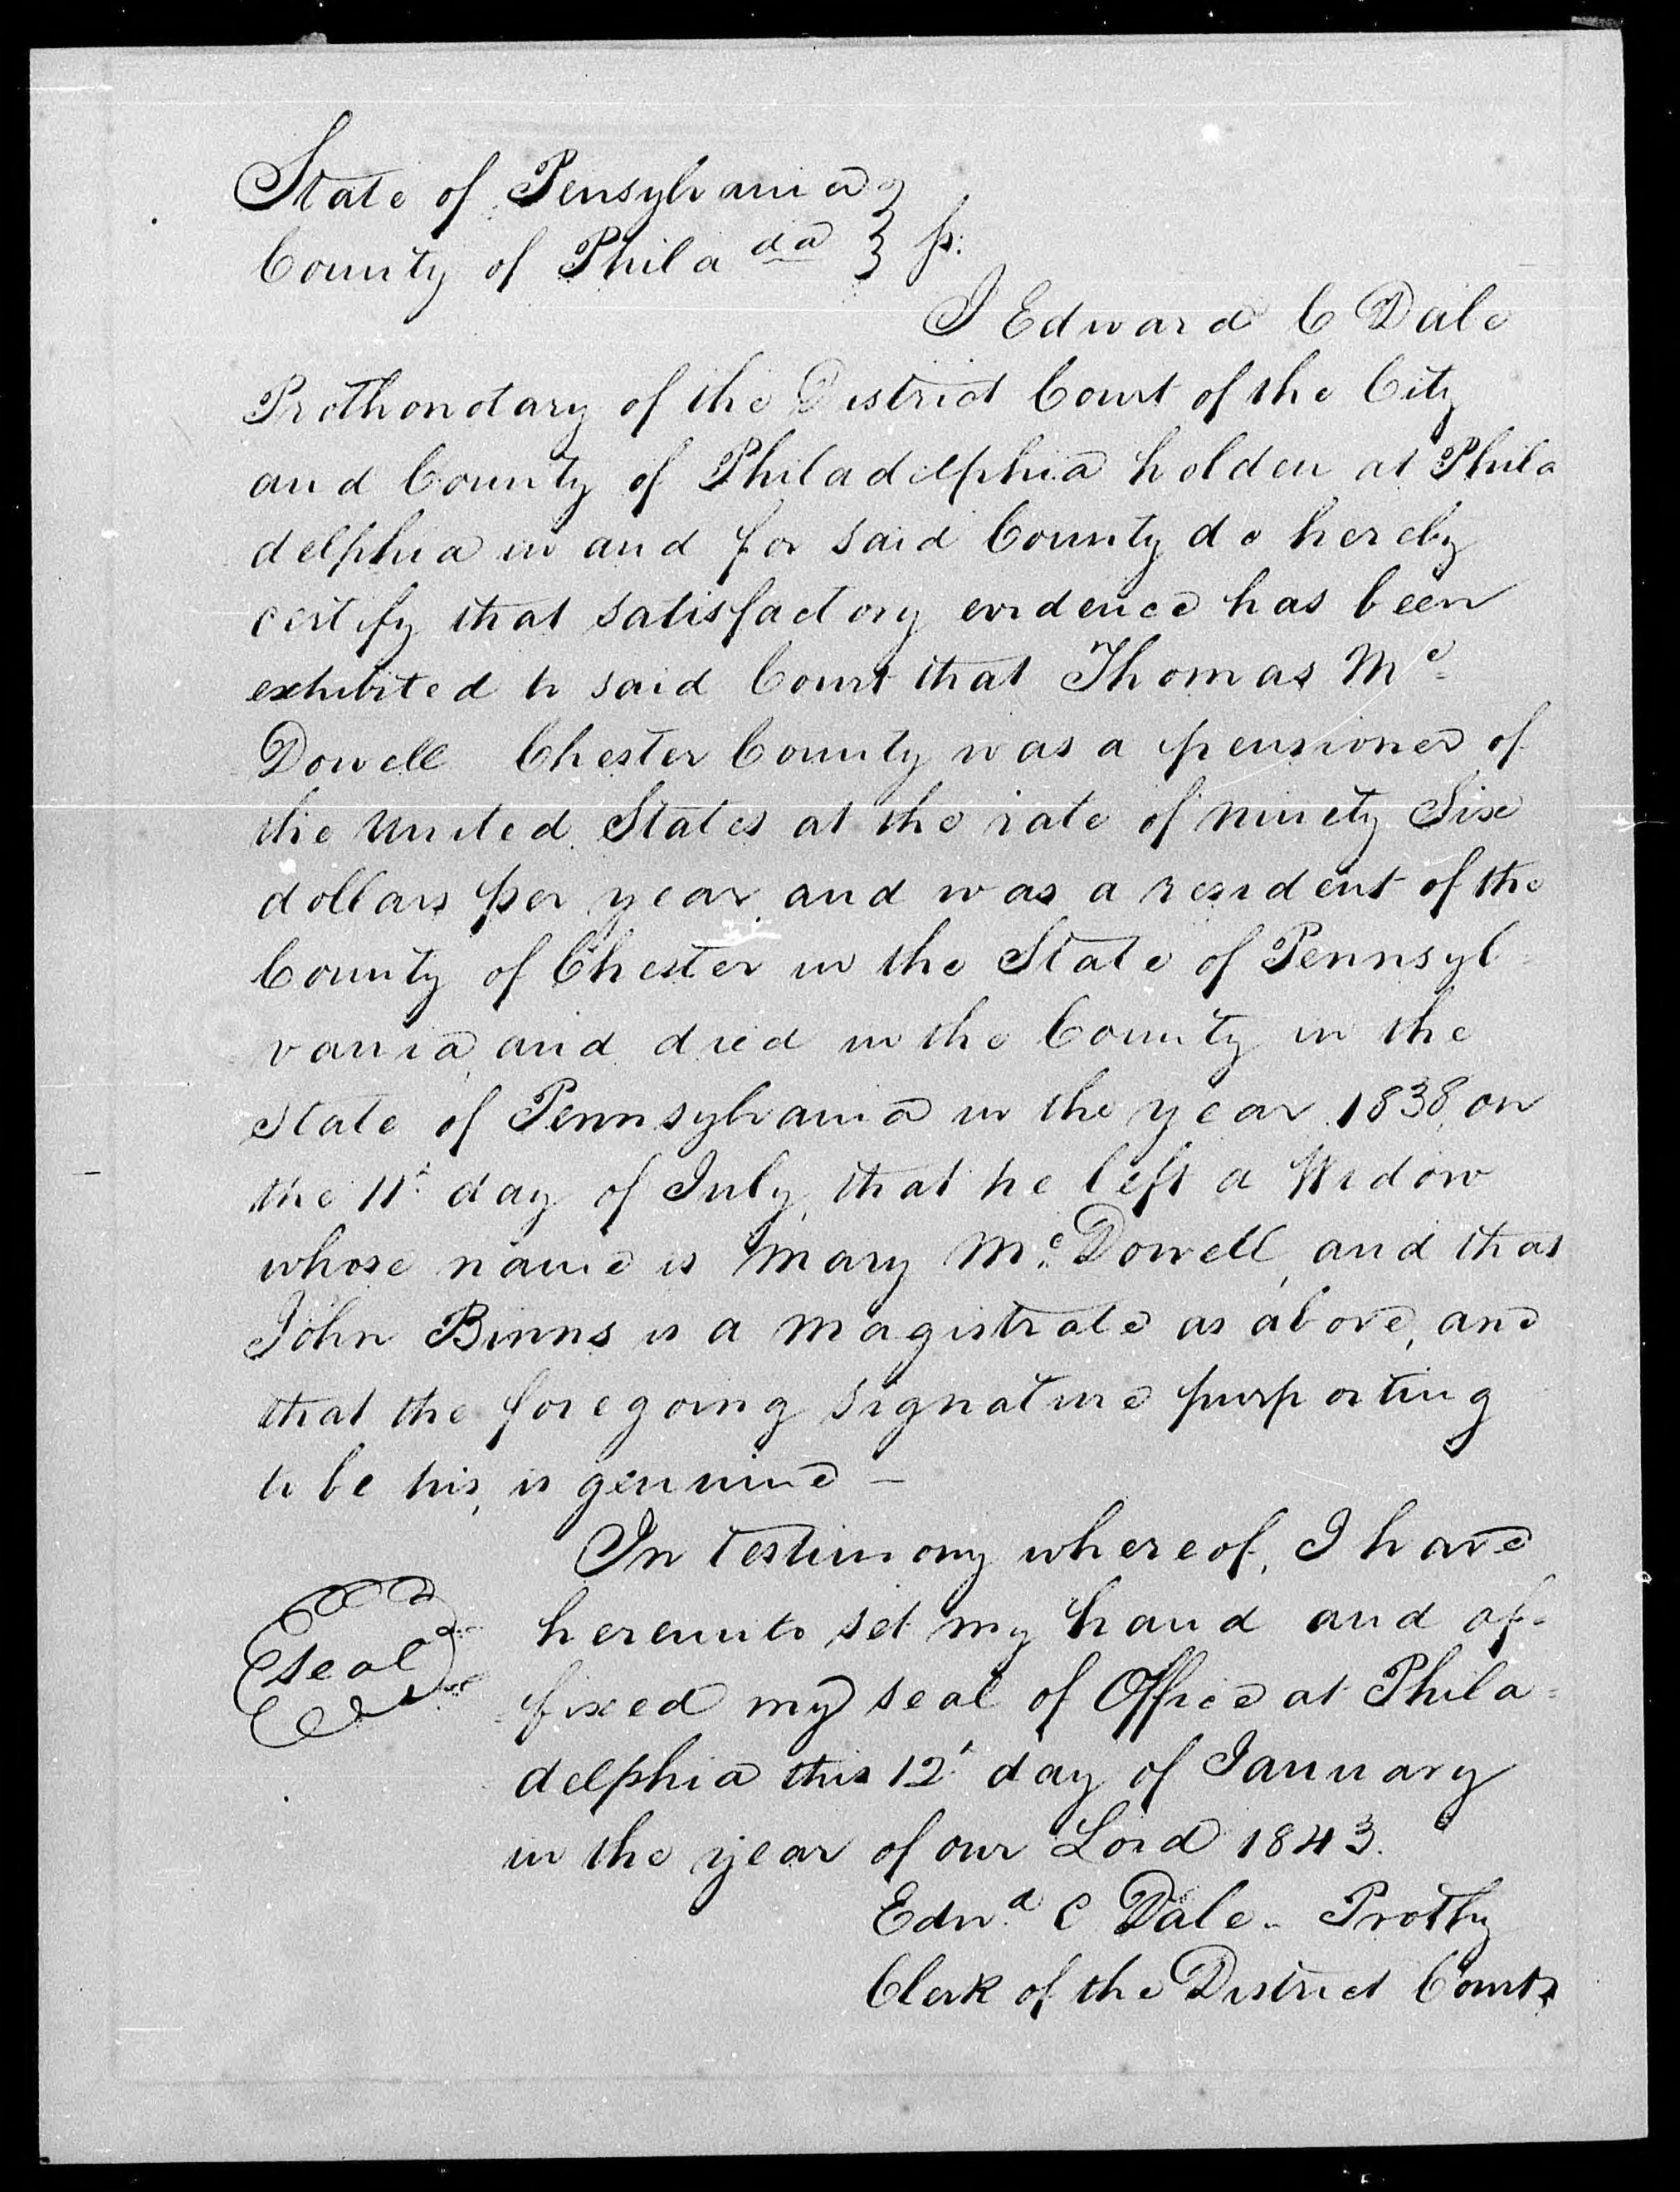State of Pensylvania
County of Philada [illegible]:

I Edward C Dale Prothonotary of the District Court of the City and County of Philadelphia holder at Philadelphia in and for said County do hereby certify that satisfactory evidence has been exhibited to said Court that Thomas McDowell Chester County was a pensioner of the United States at the rate of ninety Six dollars per year and was a resident of the County of Chester in the State of Pennsylvania and died in the County in the State of Pennsylvania in the year 1838 on the 11th day of July, that he left a Widow whose name is Mary McDowell, and that John Binns is a magistrate as above, and that the foregoing signature purporting to be his, is genuine--

In testimony whereof, I have hereunto set my hand and affixed my seal of Office at Philadelphia this 12th day of January in the year of our Lord 1843.

Ed'd C Dale. Prothy Clerk of the District Court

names: Thomas Mc Dowell; Mary Mc Dowell; Edward C Dale; John Binns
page: 36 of 63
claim: widow's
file: W 2957, for Thomas Mc Dowell, Maryland